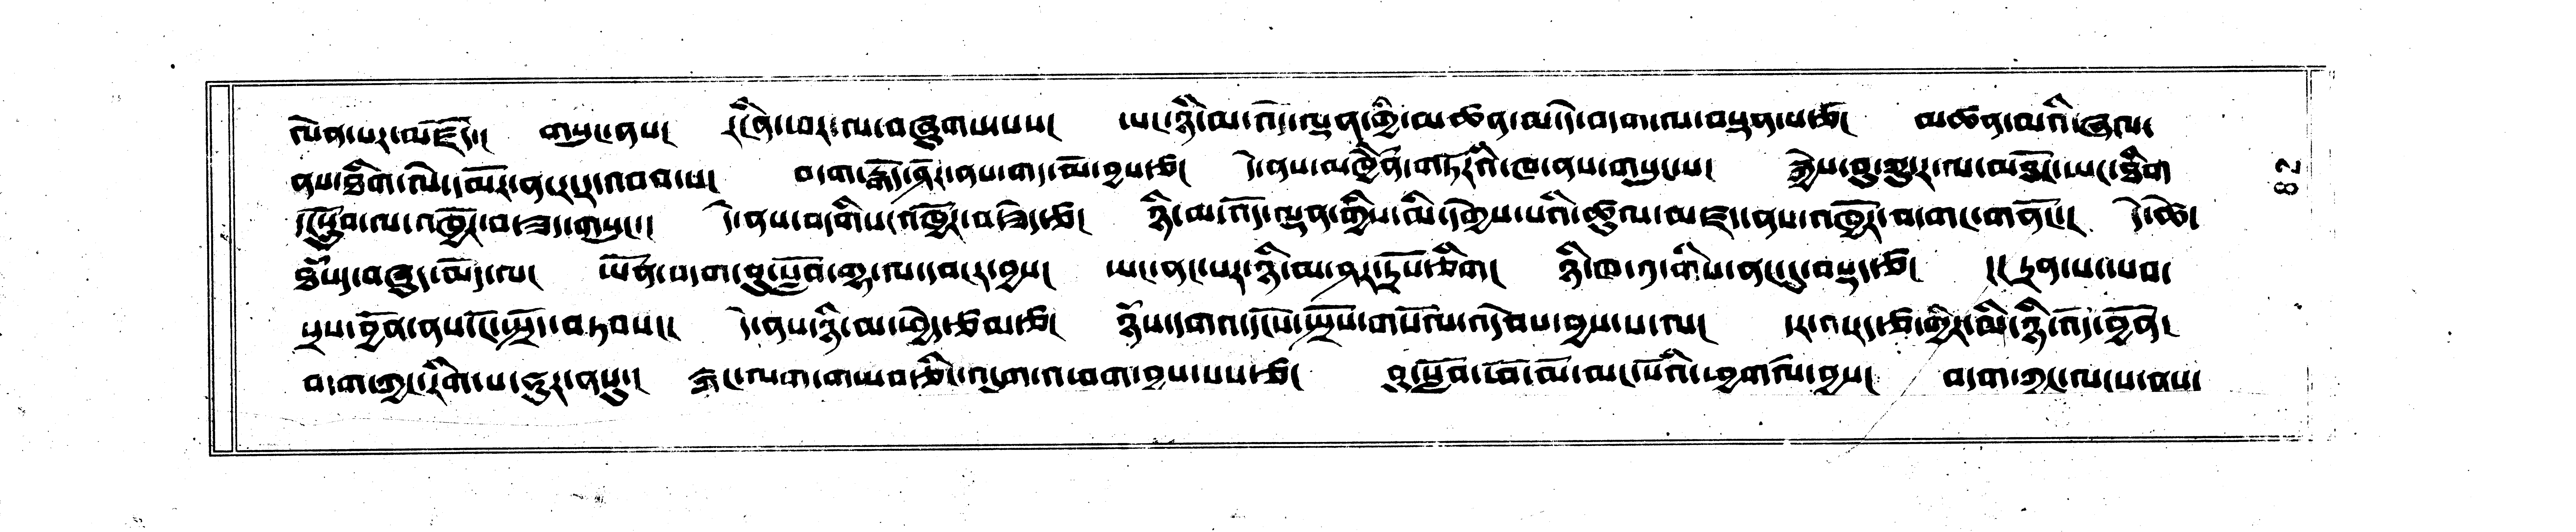ལེན་པར་མཛོད། གསུང་ནས། རང་བཞིན་ཕར་ལ་བཞུགས་པས། ཡང་ཉི་མ་འོད་ལྡན་གྱི་མཚན་མ་དེ་བདག་ལ་བསྟན་པ་ཙ། མཚན་མའི་ཞལ་
ནས་ཐིག་ལེ་དམར་པོ་ན་ར་ར་འབབ་པ། བདག་རྒོད་ཤོར་ནས་གད་མོ་བྱས་ཙ། དེ་ནས་མཁྱེན་རྩེ་གཏོར་མའི་ཁ་ནས་གསུངས་པ། སྐྱེས་བུ་ཀུ་རེ་ལ་མཐོང་ཡང་ཐིག 
དངོས་གྲུབ་ལ་འཁྱོར་བ་ཟད་གསུང་། དེ་ནས་བདག་གིས་འཁྱོར་བ་ཟེད་ཙ། ཉི་མ་འོད་ལྡན་གྱིས་མི་དགྱེས་པའི་ཚུལ་མཛད་ནས་འཁྱོར་བ་གང་གནང་། དེ་ཚེ་
ཐམས་ཅད་བཞུད་མོད་ལ། ཡོན་བདག་བུ་སློབ་གྷ་ལ་དབང་བསྐུར་བྱས། ཡང་ནང་པར་ཉི་མ་ཤར་དྲོས་ཅིག ཉི་ཁ་གཅིག་གིས་ནང་དུ་བསྡད་ཙ། དྲན་པ་ཡབ་
སྲས་བྱོན་ནས་ངོ་སྤྲོད་བཏབས། དེ་ནས་ཉི་མ་ཕྱེད་ཙམ་ཙ། ཉམས་དགའ་དངོས་སྤྲོས་གསོལ་འདེབས་བྱས་པ་ལ། དར་གཅིག་རེད་ཙ་གྱིར་མི་ཉི་འོད་བྱོན།
 བདག་ཀྱང་རིག་པ་ཧུར་ནས་སུ། རྐང་ལག་གཡབ་ཅིང་འདུག་འཕག་བྱས་པས་ཙ། བུ་སློབ་ཕོ་མོ་མང་པོའི་ཕྱག་འཚལ་བྱས། བདག་ཀྱང་ལངས་ནས་